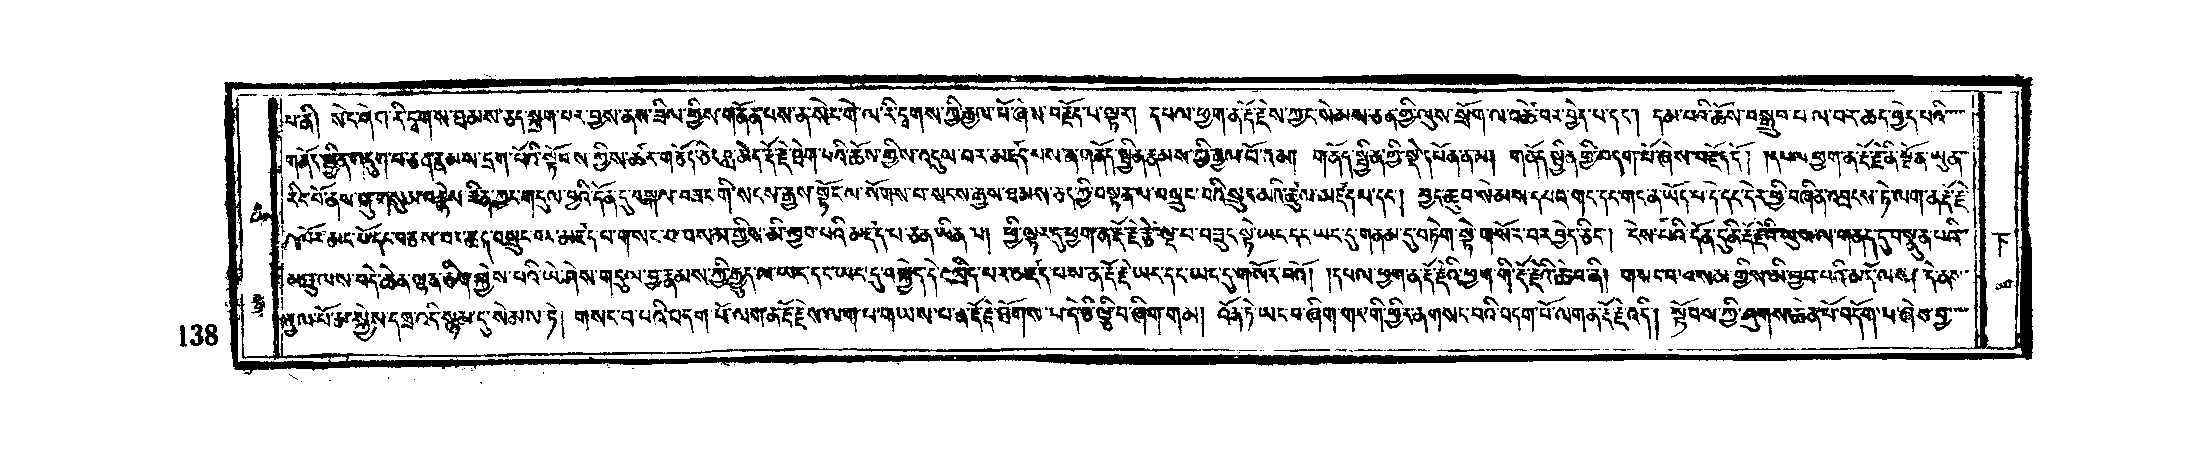པ་ནི། སེང་གེས་རི་དྭགས་ཐམས་ཅད་སྐྲག་པར་བྱས་ནས་ཟིལ་གྱིས་གནོན་པས་ན་སེང་གེ་ལ་རི་དྭགས་ཀྱི་རྒྱལ་པོ་ཞེས་བརྗོད་པ་ལྟར། དཔལ་ཕྱག་ན་རྡོ་རྗེས་ཀྱང་སེམས་ཅན་གྱི་ལུས་སྲོག་ལ་འཚེ་བར་བྱེད་པ་དང་། དམ་པའི་ཆོས་བསྒྲུབ་པ་ལ་བར་ཆད་བྱེད་པའི་
གནོད་སྦྱིན་གདུག་པ་ཅན་རྣམས་དྲག་པོའི་སྟོབས་ཀྱིས་ཚར་གཅོད་ཅིང་བླ་མེད་རྡོ་རྗེ་ཐེག་པའི་ཆོས་གྱིས་འདུལ་བར་མཛད་པས་ན་གནོད་སྦྱིན་རྣམས་ཀྱི་རྒྱལ་བོའམ། གནོད་སྦྱིན་གྱི་སྡེ་དཔོན་ནམ། གནོད་སྦྱིན་གྱི་བདག་པོ་ཞེས་བརྗོད་དོ། །དཔལ་ཕྱག་ན་རྡོ་རྗེ་ནི་སྔོན་ཡུན་
རིང་བོ་ནས་སྐུ་གསུམ་བརྙེས་ཟིན་ཀྱང་གདུལ་བྱའི་དོན་དུ་བསྐལ་བཟང་གི་སངས་རྒྱས་སྟོང་ལ་སོགས་པ་སངས་རྒྱས་ཐམས་ཅད་ཀྱི་བསྟན་པ་བསྲུང་བའི་སྲུང་མའི་ཚུལ་མཛད་པ་དང་། བྱང་ཆུབ་སེམས་དཔའ་གང་དང་གང་ན་ཡོད་པ་དེ་དང་དེར་ཕྱི་བཞིན་འབྲངས་ཏེ་ལག་ན་རྡོ་རྗེ་
འཁོར་མང་པོ་དང་བཅས་པར་ཆད་བསྲུང་བར་མཛད་པ་གསང་བ་བསམ་གྱིས་མི་ཁྱབ་པའི་མཛད་པ་ཅན་ཡིན་པ། ཕྱི་ལྟར་དུ་ཕྱག་ན་རྡོ་རྗེ་རྩེ་ལྔ་པ་བཟུང་སྟེ་ཡང་དང་ཡང་དུ་གནམ་དུ་བཏེག་སྟེ་གསོང་བར་བྱེད་ཅིང་། ངེས་པའི་དོན་དུ་ནི་རྡོ་རྗེའི་ལུས་ལ་གནད་དུ་བསྣུན་པའི་
མཐུ་ལས་བདེ་ཆེན་ལྷན་ཅིག་སྐྱེས་པའི་ཡེ་ཤེས་གདུལ་བྱ་རྣམས་ཀྱི་རྒྱུད་ལ་ཡང་དང་ཡང་དུ་བསྐྱེད་དེ་འཁྲིད་པར་མཛད་པས་ན་རྡོ་རྗེ་ཡང་དང་ཡང་དུ་གསོར་བའོ། །དཔལ་ཕྱག་ན་རྡོ་རྗེའི་ཕྱག་གི་རྡོ་རྗེའི་ཆེ་བ་ནི། གསང་བ་བསམ་གྱིས་མི་ཁྱབ་པའི་མདོ་ལས། དེ་ནས་
རྒྱལ་པོ་མ་སྐྱེས་དགྲ་འདི་སྙམ་དུ་སེམས་ཏེ། གསང་བ་པའི་བདག་པོ་ལག་ན་རྡོ་རྗེས་ལག་པ་གཡས་པ་ན་རྡོ་རྗེ་ཐོགས་པ་དེ་ཅི་ལྕི་བ་ཞིག་གམ། འོན་ཏེ་ཡང་བ་ཞིག་གང་གི་ཕྱིར་ན་གསང་བའི་བདག་པོ་ལག་ན་རྡོ་རྗེ་འདི། སྟོབས་ཀྱི་ཤུགས་ཆེན་པོ་བདོག་པ་ཞེས་བྱ་